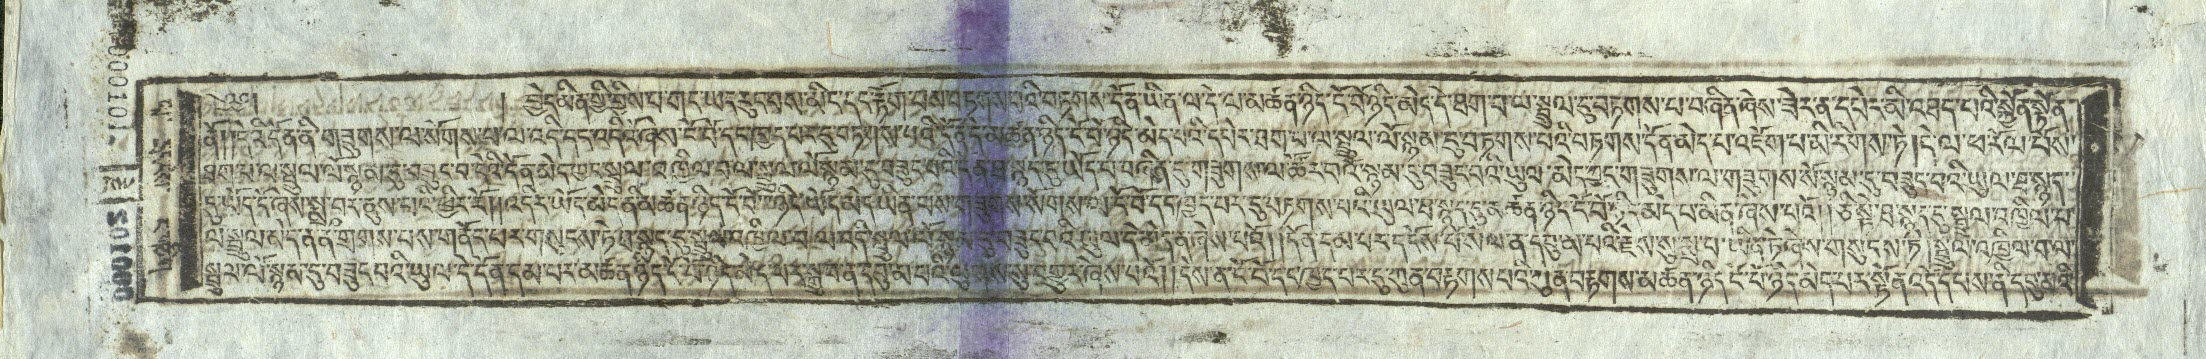༄༅། །བྱེད་མིན་གྱི་བྱིས་པ་གང་ཡང་རུང་བས་མིང་དང་རྟོག་པས་བཏགས་པའི་བཏགས་དོན་ཡིན་ལ་དེ་ལ་མཚན་ཉིད་ངོ་བོ་ཉིད་མེད་དེ་ཐག་པ་ལ་སྦྲུལ་དུ་བཏགས་པ་བཞིན་ཞེས་ཟེར་ན་དཔེར་མི་འཐད་པའི་སྐྱོན་སྟོན་
ནོ། །དེའི་དོན་ནི་གཟུགས་ལ་སོགས་པ་ལ་འདི་དང་འདིའོ་ཞེས་ངོ་བོ་དང་ཁྱད་པར་དུ་བཏགས་པའི་དོན་དེ་མཆན་ཉིད་ངོ་བོ་ཉིད་མེད་པའི་དཔེར་ཐག་པ་ལ་སྦྲུལ་ལོ་སྙམ་དུ་བཏགས་པའི་བཏགས་དོན་མེད་པ་འཇོག་པ་མི་རིགས་ཏེ། དེ་ལ་ཕ་རོལ་པོས་
ཐག་པ་ལ་སྦྲུལ་ལོ་སྙམ་དུ་བཟུང་བ་དེའི་དོན་མེད་ཀྱང་སྦྲུལ་འཁྱིལ་བ་ལ་སྦྲུལ་ལོ་སྙམ་དུ་བཟུང་བའི་དོན་ཐ་སྙད་དུ་མོད་པ་བཞིན་དུ་གཟུགས་ལ་ཚོར་བའི་སྙམ་དུ་བཟུང་བའི་ཡུལ། མེད་ཀྱང་གཟུགས་ལ་གཟུགས་སོ་སྙམ་དུ་བཟུང་བའི་ཡུལ་ཐ་སྙད་
དུ་ཡོད་དོ་ཞེས་སྨྲ་བར་ནུས་པའི་ཕྱིར་རོ། །འདིར་ཡོད་མེད་ནི་མཚན་ཉིད་ངོ་བོ་ཉིད་ཡོད་མེད་ཡིན་པས་གཟུགས་སོགས་ལ་ངོ་བོ་དང་ཁྱད་པར་དུ་བཏགས་པའི་ཡུལ་ཐ་སྙད་དུ་མཚན་ཉིད་ངོ་བོ་ཉིད་མེད་བ་མིན་ཞེས་པའོ། །ཅི་སྟེ་ཐ་སྙད་དུ་སྦྲུལ་འཁྱིལ་པ་
ལ་སྦྲུལ་མེད་ན་ནྀ་གྲགས་པས་གནོད་པར་གསུངས་ཏེ་ཐ་སྙད་དུ་སྦྲུལ་འཁྱིལ་བ་ལ་འདི་སྦྲུལ་ལོ་སྙམ་དུ་བཟུང་བའི་ཡུལ་དེ་མེད་ན་ཞེས་པའོ། །དོན་དམ་པར་དངོས་པོ་སེལ་ན་དབུ་མ་པའི་རྗེས་སུ་སྨྲ་བ་ཡིན་ཏེ་ཞེས་གསུངས་ཏེ། སྦྲུལ་འཁྱིལ་བ་ལ་
སྦྲུལ་ལོ་སྙམ་དུ་བཟུང་བའི་ཡུལ་དེ་དོན་དམ་པར་མཚན་ཉིད་ངོ་བོ་ཉིད་མེད་པར་སྒྲུབ་ན་དབུ་མ་པའི་ལུགས་སུ་འགྱུར་ཞེས་པའོ། །དེས་ན་ངོ་བོ་དང་ཁྱད་པར་དུ་ཀུན་བརྟགས་པའི་ཀུན་བརྟགས་མཚན་ཉིད་ངོ་བོ་ཉིད་མེད་པར་སྟོན་འདོད་པས་ནི་དབུ་མའི་